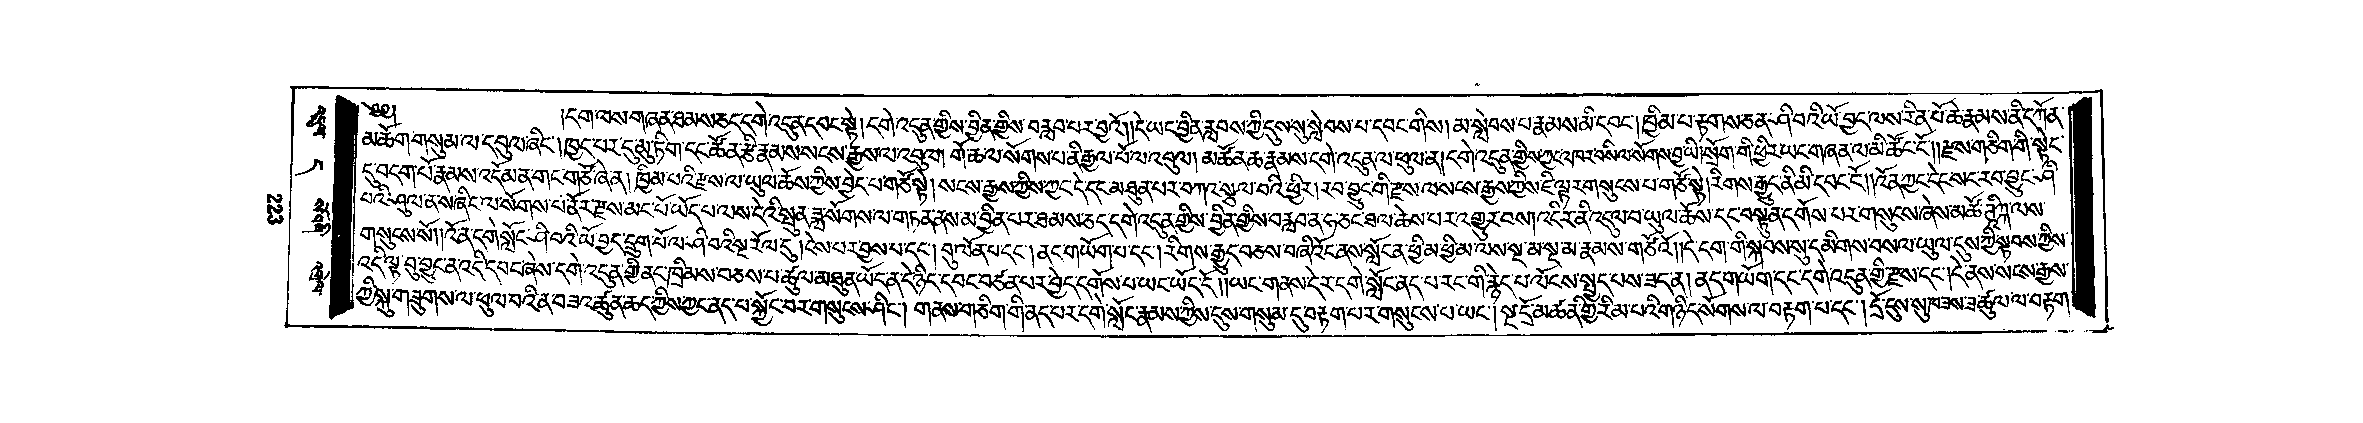༄༅། །དག་ལས་གཞན་ཐམས་ཅད་དགེ་འདུན་དབང་སྟེ། དགེ་འདུན་གྱིས་བྱིན་གྱིས་བརླབ་པར་བྱའོ། །དེ་ཡང་བྱིན་རླབས་ཀྱི་དུས་སུ་སླེབས་པ་དབང་གིས། མ་སླེབས་པ་རྣམས་མི་དབང་། ཁྱིམ་པ་རྟགས་ཅན་ཤི་བའི་ཡོ་བྱད་ལས་རིན་པོ་ཆེ་རྣམས་ནི་དཀོན་
མཆོག་གསུམ་ལ་དབུལ་ཞིང་། ཁྱད་པར་དུ་མུ་ཏིག་དང་ཚོན་རྩི་རྣམས་སངས་རྒྱས་ལ་འབུལ། གོ་ཆ་ལ་སོགས་པ་ནི་རྒྱལ་པོ་ལ་འབུལ། མཚོན་ཆ་རྣམས་དགེ་འདུན་ལ་ཕུལ་ན། དགེ་འདུན་གྱིས་ཀྱང་འཁར་བསིལ་སོགས་བྱ་ཡི། སྲོག་གི་ཕྱིར་ཡང་གཞན་ལ་མི་ཚོང་ངོ། །རྫས་གཅིག་གི་སྟེང་
དུ་བདག་པོ་རྣམས་འདོམ་ན་གང་གཙོ་ཞེ་ན། ཁྱིམ་པའི་རྫས་ལ་ཡུལ་ཆོས་ཀྱིས་བྱེད་པ་གཙོ་སྟེ། སངས་རྒྱས་ཀྱིས་ཀྱང་དེ་དང་མཐུན་པར་བཀའ་སྩལ་བའི་ཕྱིར། རབ་བྱུང་གི་རྫས་ལ་སངས་རྒྱས་ཀྱིས་ཇི་ལྟར་གསུངས་པ་གཙོ་སྟེ། རིགས་རྒྱུད་ནི་མི་དབང་ངོ། །འོན་ཀྱང་དེང་སང་རབ་བྱུང་ཤི་
པའི་ཤུལ་ན་ས་ཞིང་ལ་སོགས་པ་ནོར་རྫས་མང་པོ་ཡོད་པ་ལས་དེའི་སྤུན་ཟླ་སོགས་ལ་གཏན་ནས་མ་བྱིན་པར་ཐམས་ཅད་དགེ་འདུན་གྱིས་བྱིན་གྱིས་བརླབ་ན་ཧ་ཅང་ཐལ་ཆེས་པར་འགྱུར་བས། འདིར་ནི་འདུལ་བ་ཡུལ་ཆོས་དང་བསྟུན་དགོས་པར་གསུངས་ཞེས་མཚོ་ཊཱཀྐི་ལས་
གསུངས་སོ། །འོ་ན་དགེ་སློང་ཤི་བའི་ཡོ་བྱད་དྲུག་པོ་ལ་ཤི་བའི་སྔ་རོལ་དུ། ངེས་པར་བྱས་པ་དང་། བུ་ལོན་པ་དང་། ནད་གཡོག་པ་དང་། རིགས་རྒྱུད་བཅས་བཞི་འོང་ནས་སློང་ན་ཕྱི་མ་ཕྱི་མ་ལས་སྔ་མ་སྔ་མ་རྣམས་གཙོའོ། །དེ་དག་གི་སྐབས་སུ་དམིགས་བསལ་ཡུལ་དུས་ཀྱི་སྟབས་ཀྱིས་
འདི་ལྟ་བུ་བྱུང་ན་འདི་དབང་ཞེས་དགེ་འདུན་གྱི་ནང་ཁྲིམས་བཅས་པ་ཚུལ་མཐུན་ཡོད་ན་དེ་ཉིད་དབང་བཙན་པར་བྱེད་དགོས་པ་ཡང་ཡོད་དོ། །ཡང་གནས་དེར་དགེ་སློང་ནད་པ་རང་གི་རྙེད་པ་ལོངས་སྤྱད་པས་ཟད་ན། ནད་གཡོག་དང་དགེ་འདུན་གྱི་རྫས་དང་། དེ་ནས་སངས་རྒྱས་
ཀྱི་སྐུ་གཟུགས་ལ་ཕུལ་བའི་ན་བཟའ་ཚུན་ཆད་ཀྱིས་ཀྱང་ནད་པ་སྐྱོང་བར་གསུངས་ཤིང་། གནས་གཅིག་གི་ནད་པར་དགེ་སློང་རྣམས་ཀྱིས་དུས་གསུམ་དུ་བརྟག་པར་གསུངས་པ་ཡང་། སྔ་དྲོ་མཚན་གྱི་རིམ་པའི་གཉིད་སོགས་ལ་བརྟག་པ་དང་། དྲོ་དུས་སུ་ཁ་ཟས་ཟ་ཚུལ་ལ་བརྟག་